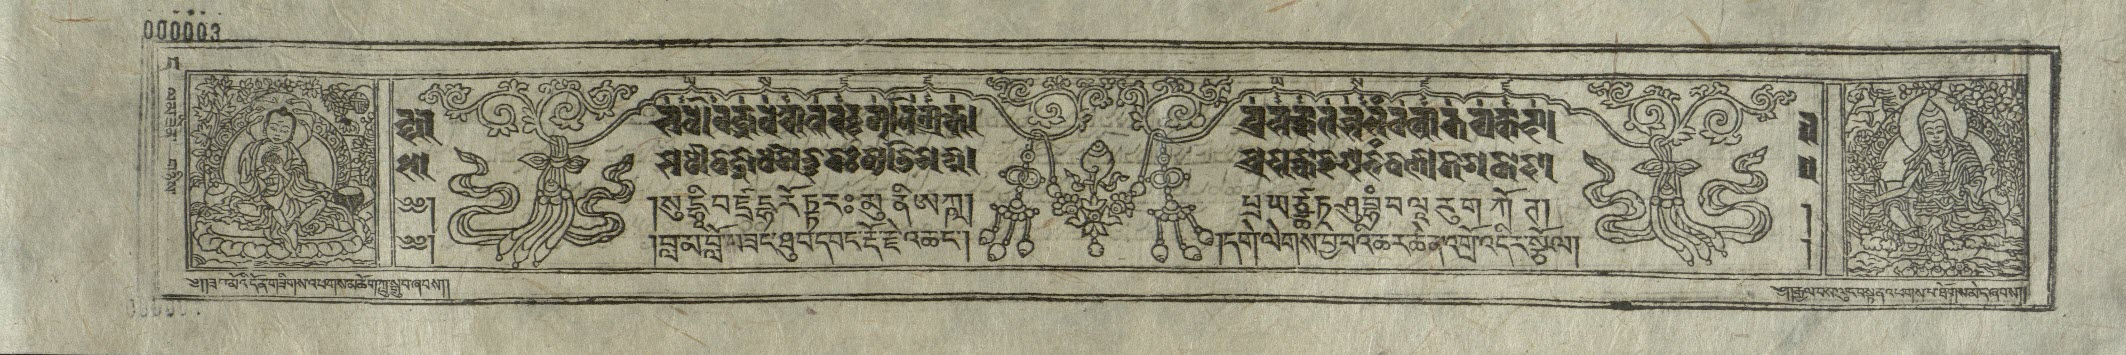༄༅། །སུ་དྷཱི་བཛྲ་དྷ་རོ་ཏྟ་རཿ མུ་ནི་ཨ་ཀྵ། པྲ་ཡ་ཙྪ་ཏ་ཤུ་བྷཾ་བ་ལཱ་རུག་ཀོ་ཊ། ། ???
༄༅། །བླ་མ་བློ་བཟང་ཐུབ་དབང་རྡོ་རྗེ་འཆང་། །དགེ་ལེགས་བྱེ་བའི་ཆར་ཆེན་འགྲོ་འདིར་སྩོལ། །